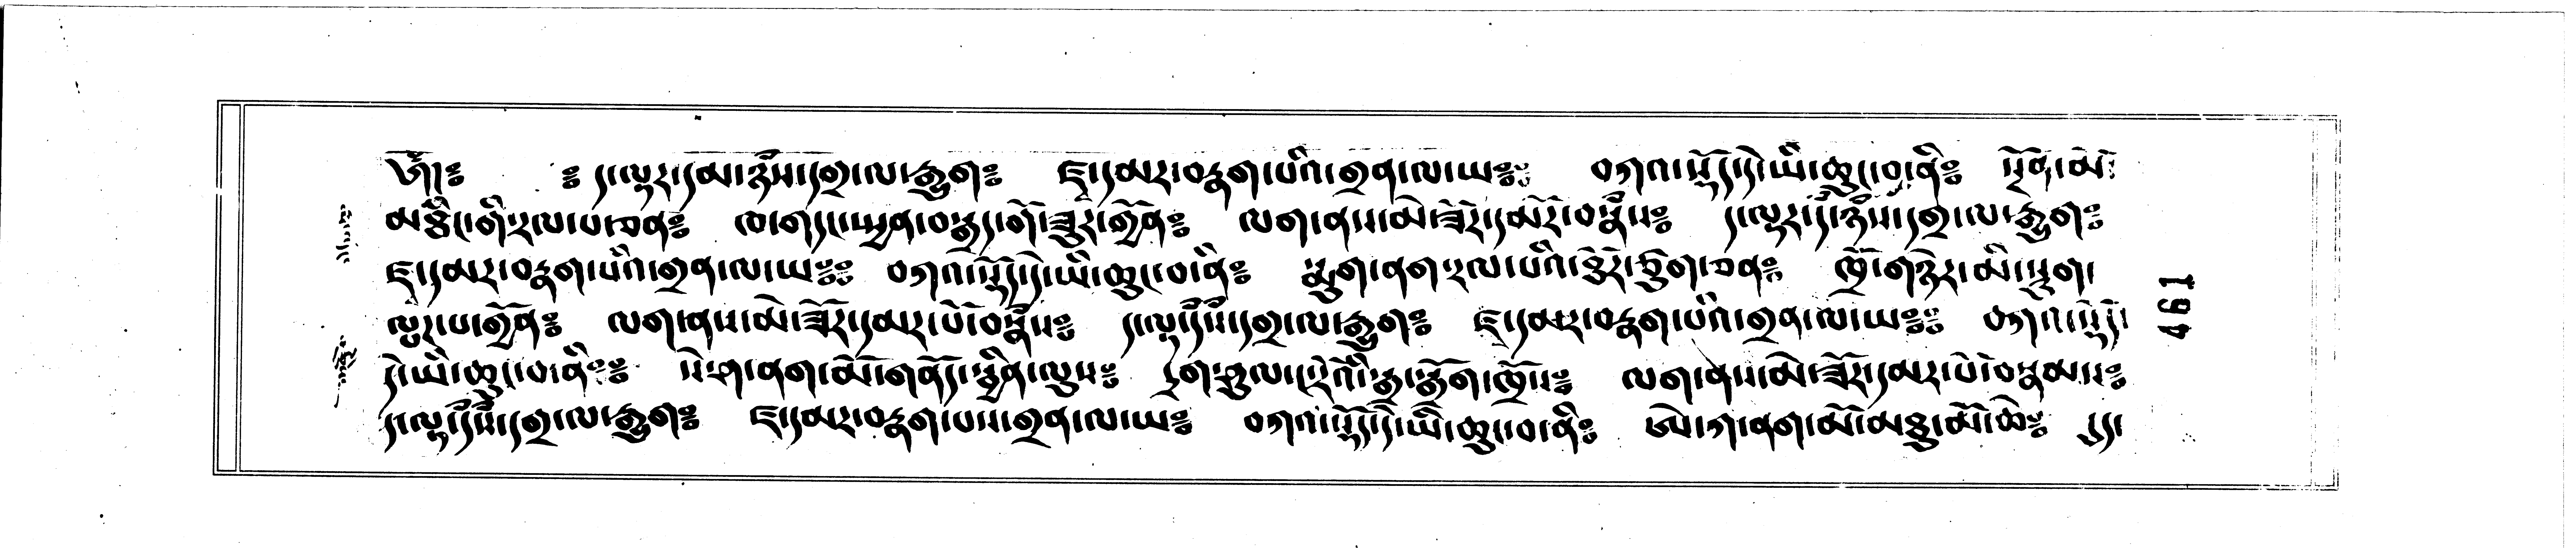༔ད་ལྟར་དམ་ཉམས་དགྲ་ལ་རྒྱུག༔ ཛྭ་དམར་བརྣག་པའི་གྲན་ལ་ཡ༔ བཀའ་སྡོད་དེ་ཡི་ཆུང་བ་ནི༔ སྔོན་མོ་
མཐིང་གི་རལ་པ་ཅན༔ཁ་གདང་སྤྱན་བསྒྲད་གོ་ཟུར་གྱོན༔ལག་ནས་མེ་ཟོར་དམར་པོ་བསྣམས༔ད་ལྟར་དམ་ཉམས་དགྲ་ལ་རྒྱུག༔
ཛྭ་དམར་བརྣག་པའི་གྲན་ལ་ཡ༔༔བཀའ་སྡོད་དེ་ཡི་ཆུང་བ་ནི༔སྨུག་ནག་རལ་པའི་ཐོར་ཙུག་ཅན༔ཁྲོ་གཉེར་མི་སྡུག་
ལྤགས་པ་གྱོན༔ལག་ནས་མེ་ཟོར་དམར་པོ་བསྣམས༔ད་ལྟར་དམ་ཉམས་དགྲ་ལ་རྒྱུག༔ཛྭ་དམར་བརྣག་པའི་གྲན་ལ་ཡ༔༔བཀའ་སྡོད་
དེ་ཡི་ཆུང་བ་ནི༔སེ་ཤ་ནག་མོ་གནོད་སྦྱིན་ལུས༔དྲག་ཤུལ་ང་རོའི་སྒྲ་སྒྲོག་ཁྲོས༔ལག་ནས་མེ་ཟོར་དམར་པོ་བསྣམས༔
ད་ལྟར་དམ་ཉམས་དགྲ་ལ་རྒྱུག༔ཛྭ་དམར་བརྣག་པའི་གྲན་ལ་ཡ༔༔བཀའ་སྡོད་དེ་ཡི་ཆུང་བ་ནི༔ཨེ་ཀ་ནག་མོ་མཐུ་མོ་ཆེ༔དུད་